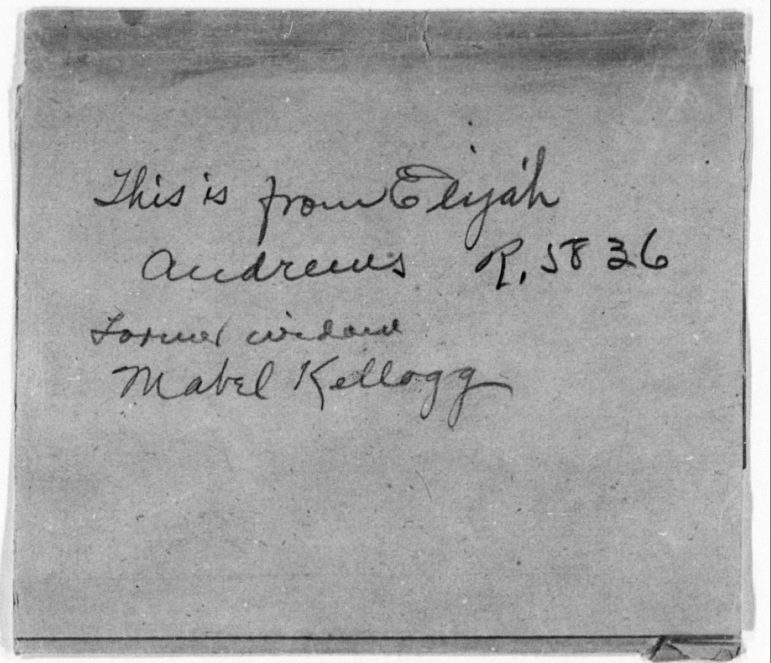This is from Elijah
Andrews    $.5836
Former widow
Mabel Kellogg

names: Mabel Kellogg, Andrews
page: 9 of 19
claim: rejected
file: R. 5836, Elijah Andrews, Conn.